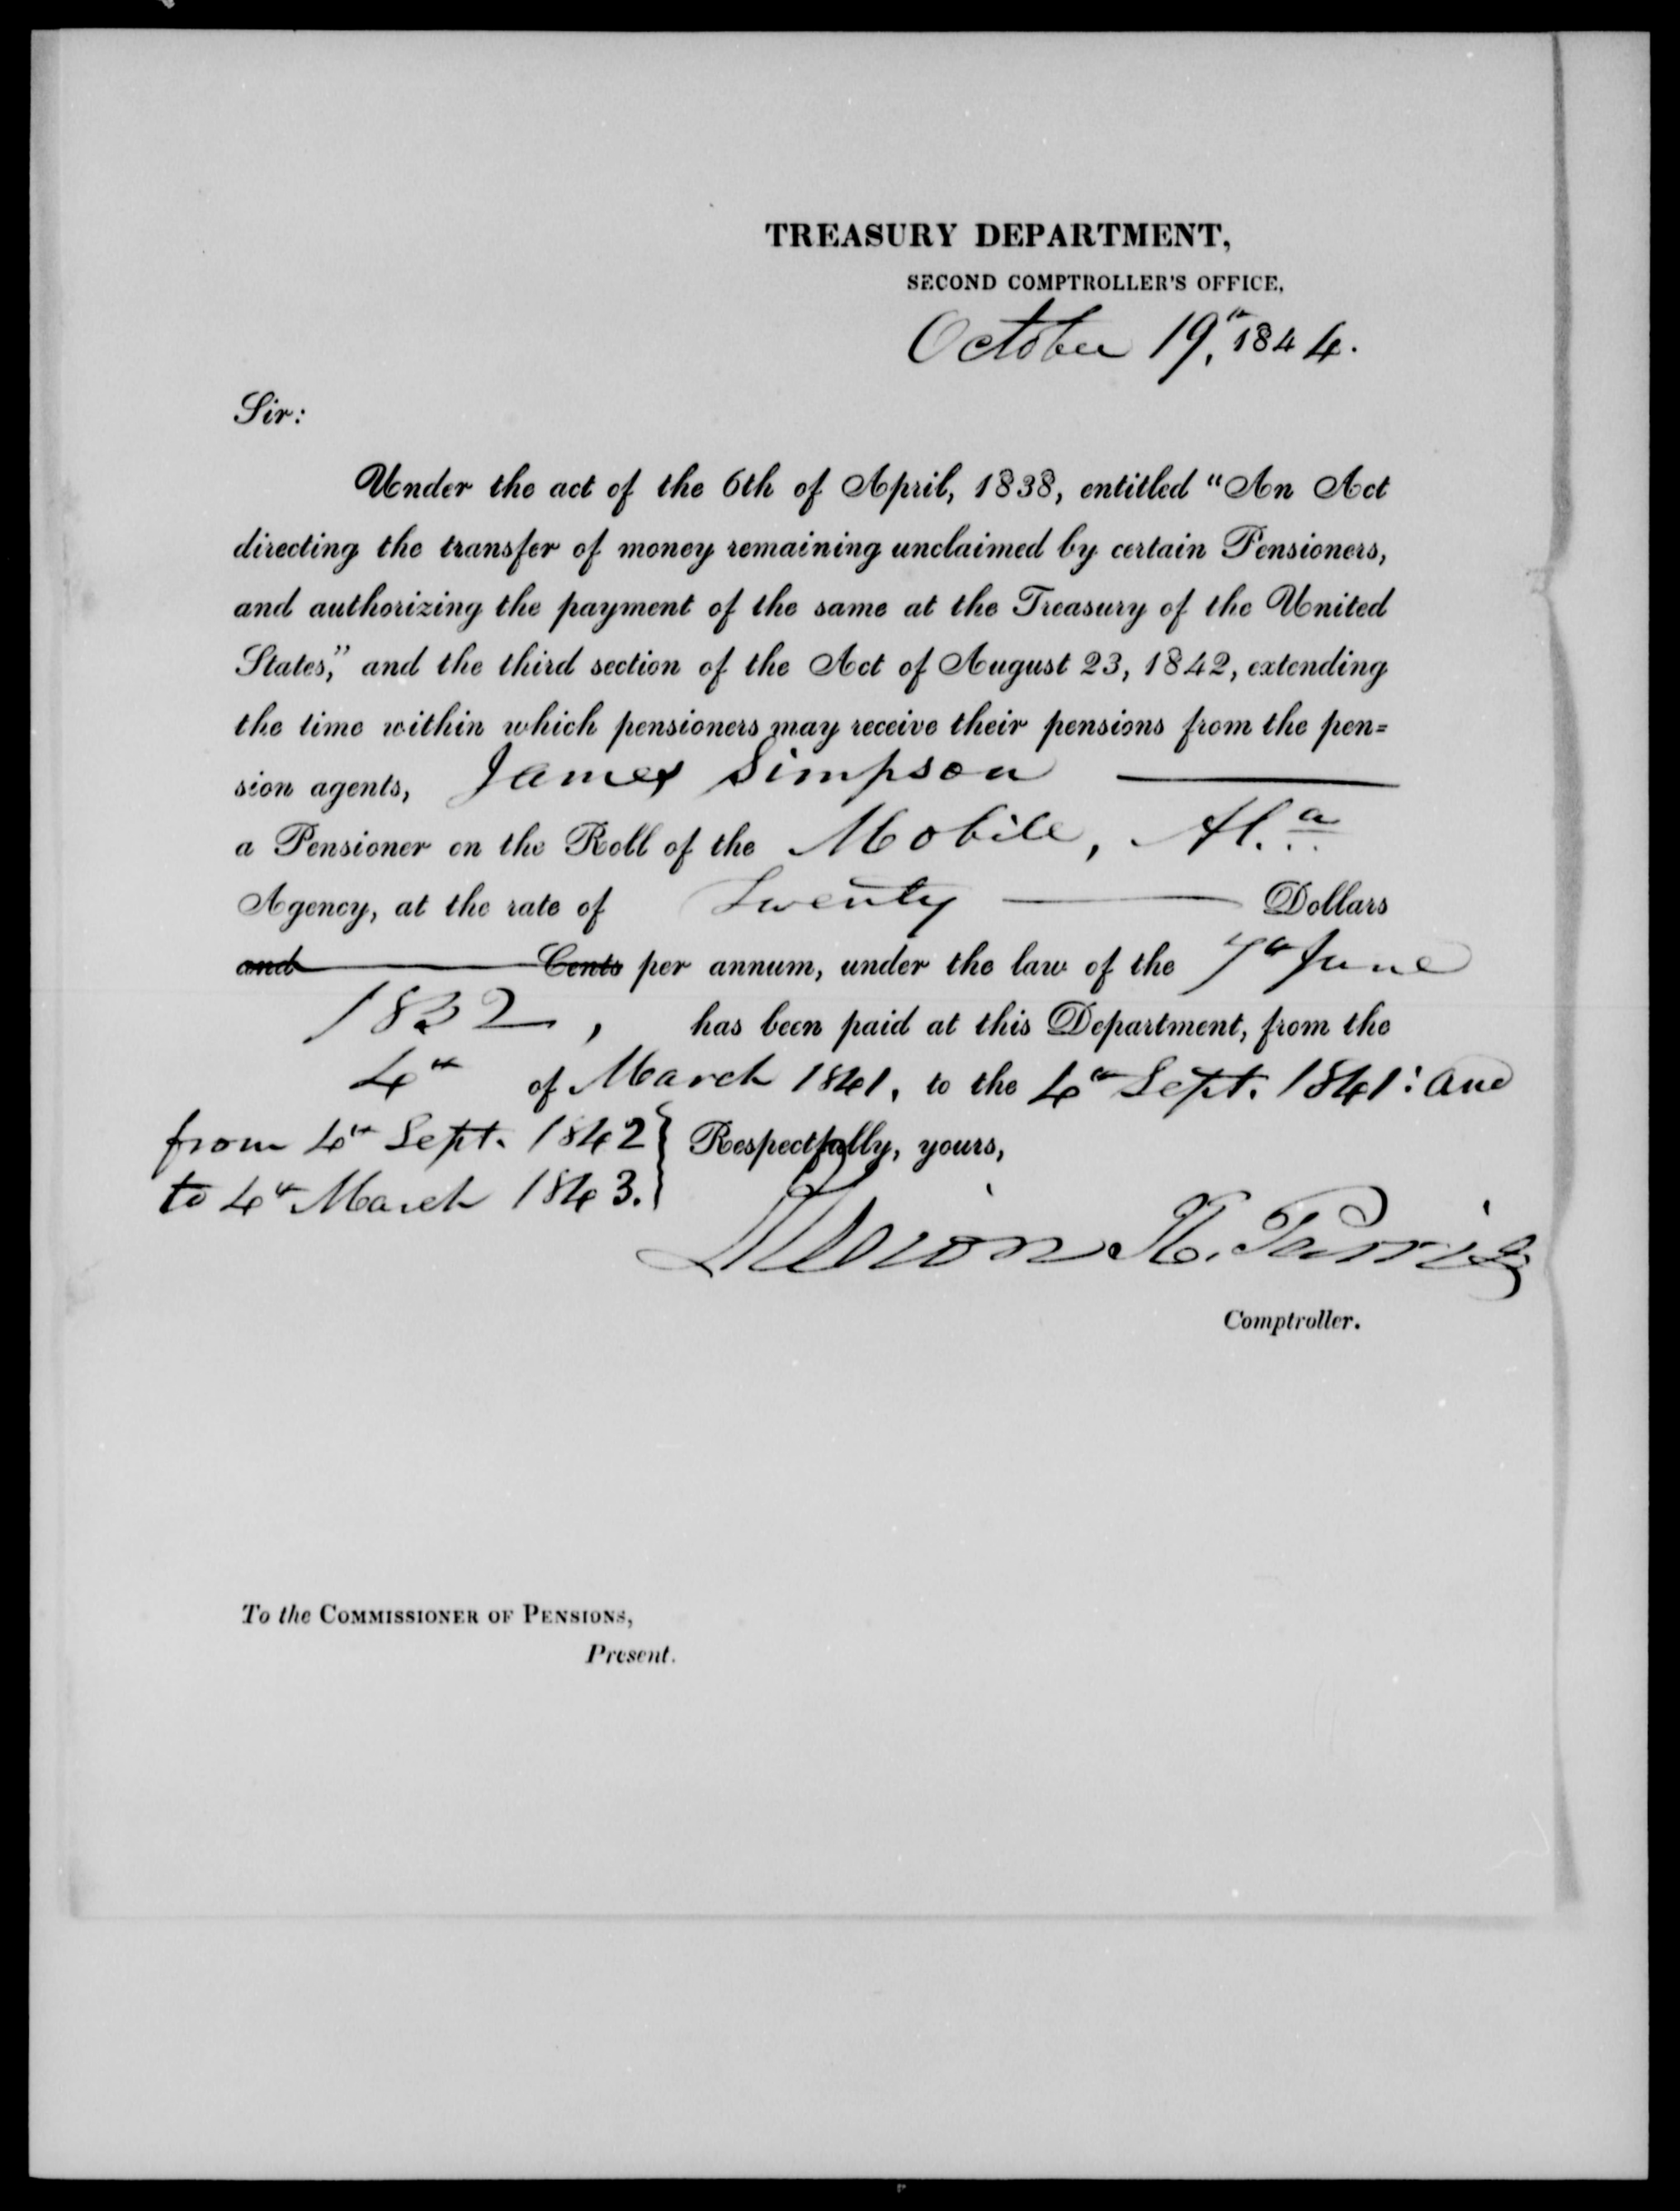TREASURY DEPARTMENT,
Second Comptroller's Office,
October 19th, 1844.

Sir:
Under the act of the 6th of April, 1838, entitled "An act directing the transfer of money remaining unclaimed by certain Pensioners, and authorizing the payment of the same at the Treasury of the United States," and the third section of the Act of August 23, 1842, extending the time within which pensioners may receive their pensions from the pension agents, James Simpson, -- a Pensioner on the Roll of the Mobile, Ala Agency at the rate of Twenty Dollars per annum, under the law of the 7th June 1832, has been paid at this Department, from the 4th of March 1841, to the 4th Sept. 1841: and to 4th March 1843.
Respectfully, yours,
Albion K. Parris
Comptroller.

To the Commissioner of Pensions,
    Present.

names: James Simpson; Albion K Parris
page: 13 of 17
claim: survivor's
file: S. 11401, for James Simpson, South Carolina